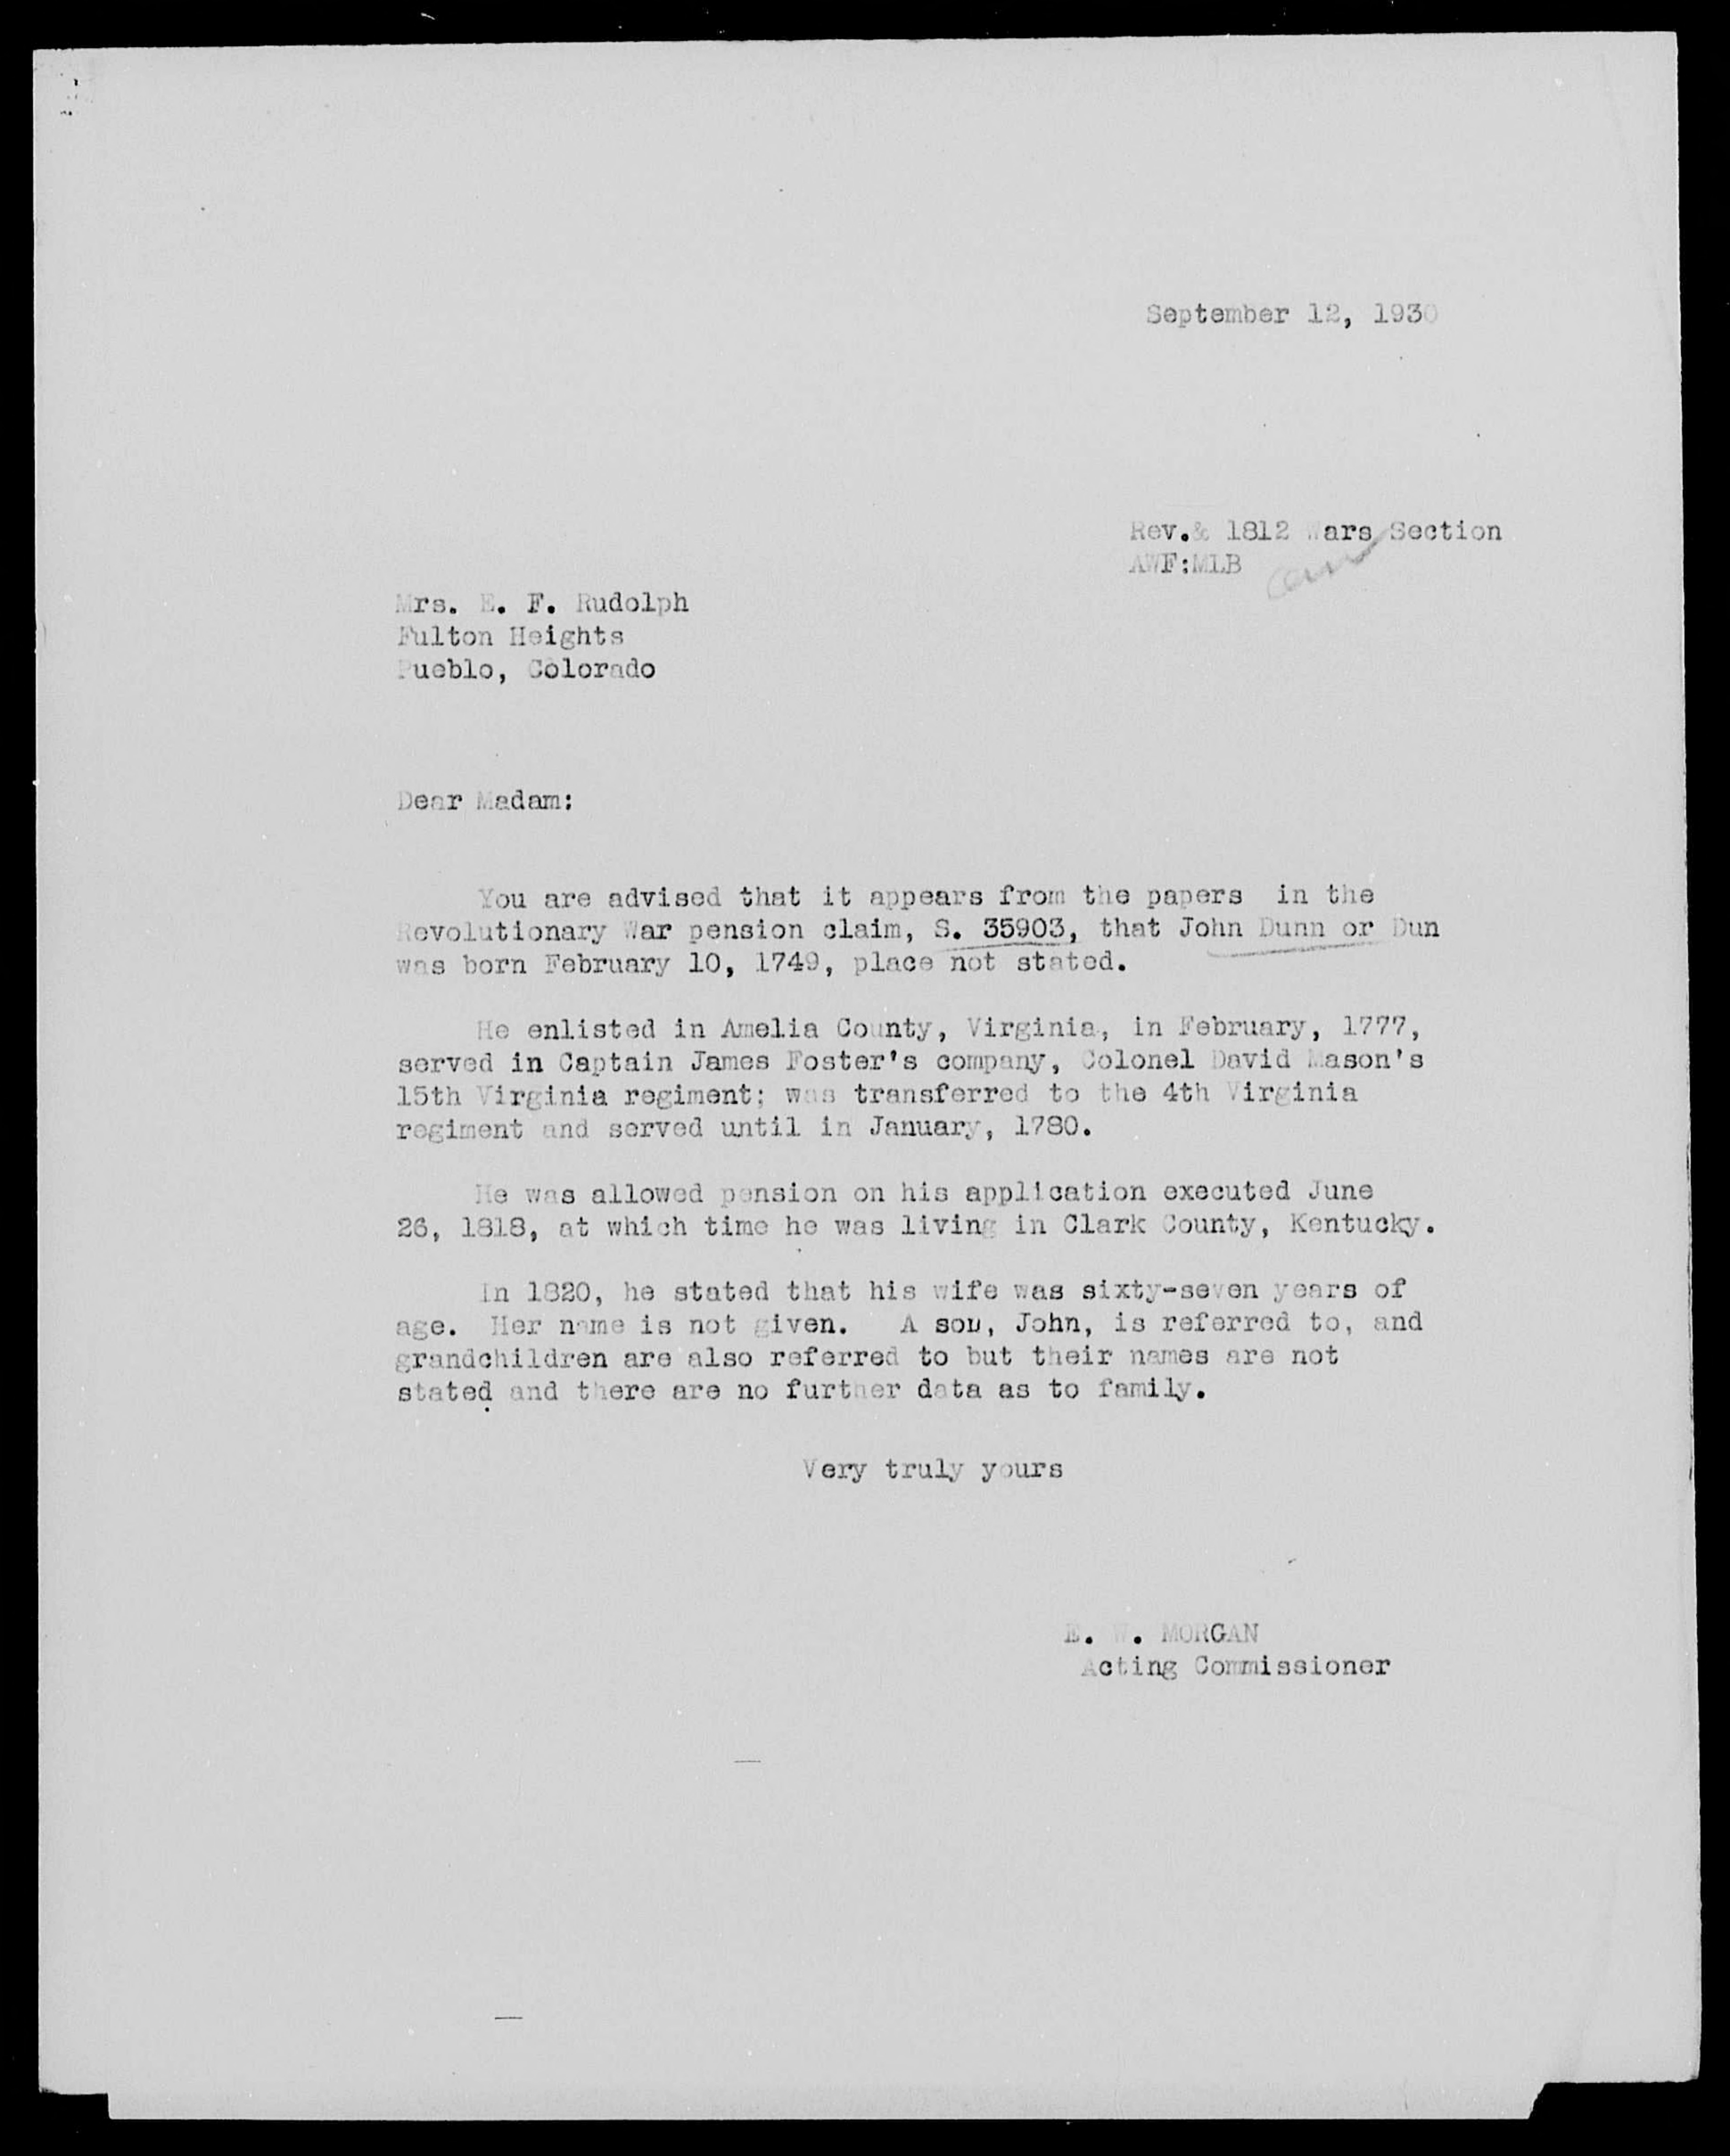September 12, 1930

Rev.& 1812 Wars Section 
AWF:MLB
[illegible initials]
Mrs. E. F. Rudolph
Fulton Heights
Pueblo, Colorado

Dear Madam:
You are advised that it appears from the 
papers in the Revolutionary War pension 
claim, S. 35903, that John Dunn or Dun 
was born February 10, 1749, place not 
stated.

He enlisted in Amelia County, Virginia, in February, 1777, served in Captain James Foster's company, Colonel David Mason's 
15th Virginia regiment; was transferred to 
the 4th Virginia regiment and served until in January, 1780.

He was allowed pension on his application 
executed June 26, 1818, at which time he 
was living in Clark County, Kentucky.

I n 1820, he stated that his wife was 
sixty-seven years of age. Her name is not
given. A son, John, is referred to, and 
grandchildren are also referred to but their names are not stated and there are no further data as to family.
Very truly yours
E. W. Morgan
Acting Commissioner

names: John, John Dunn, John Dun, E F Rudolph, E F Morgan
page: 8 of 23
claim: survivor's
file: S 35903, John Dunn, Va.